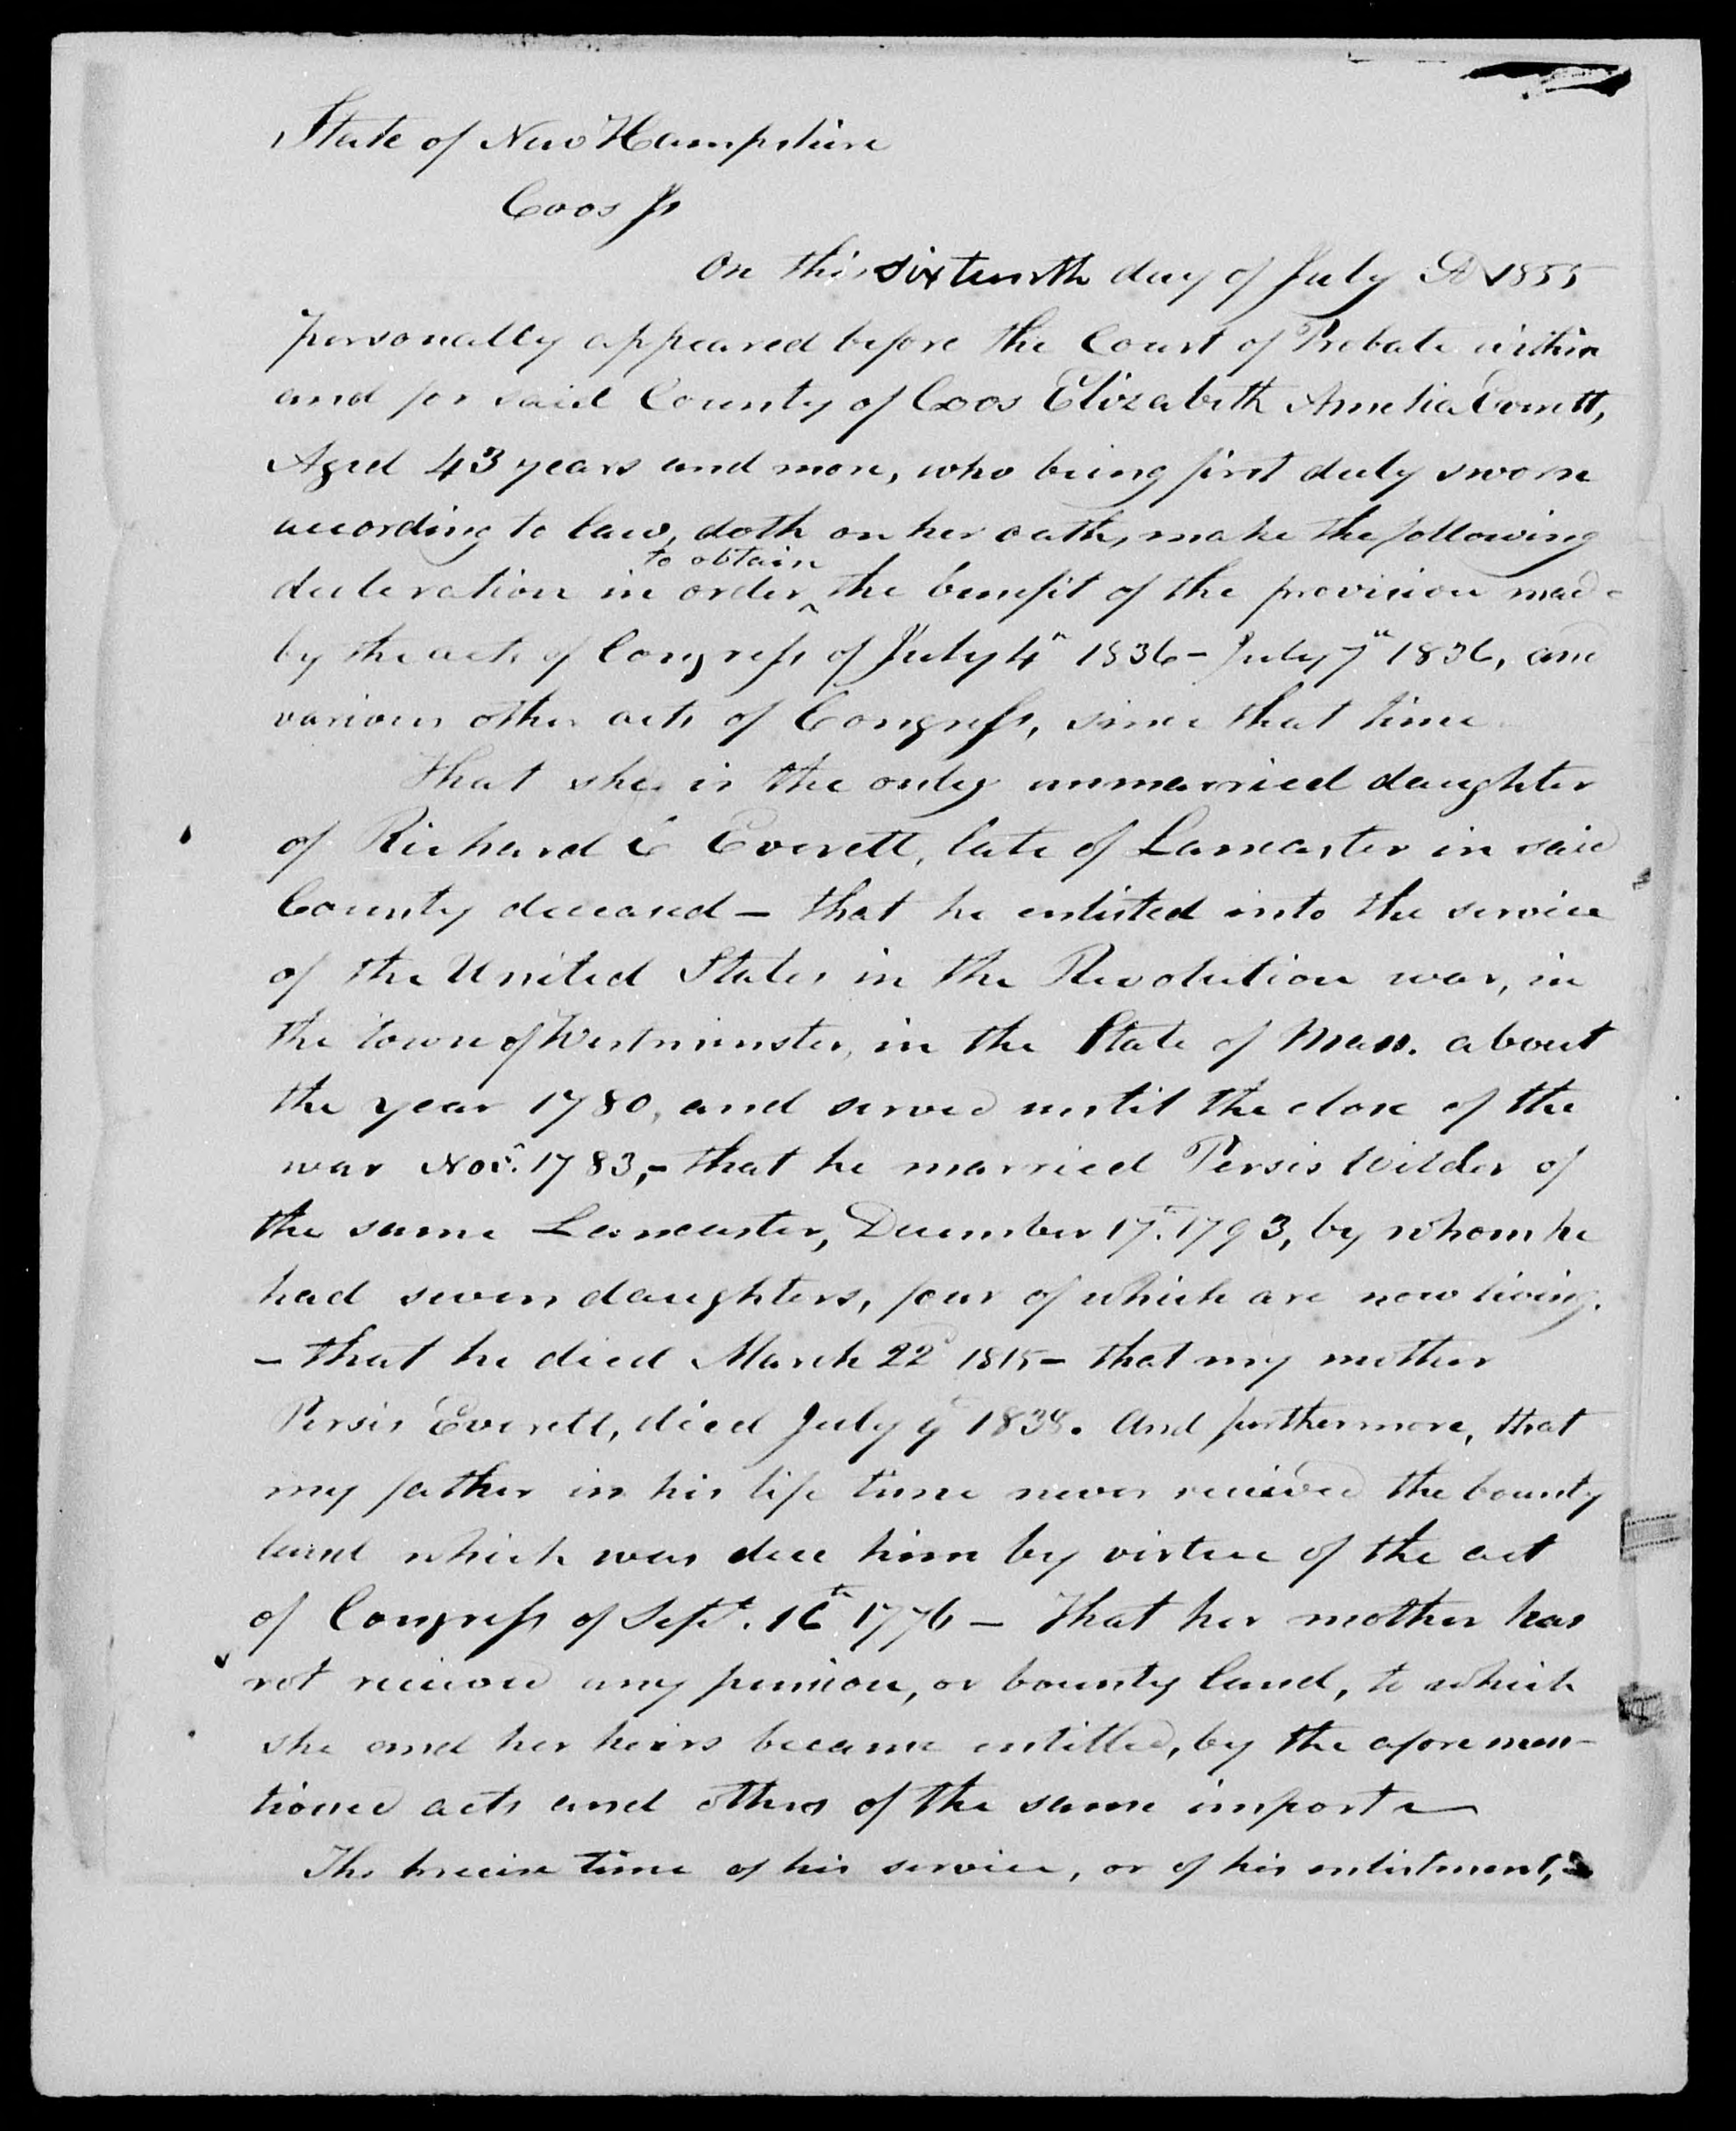State of New Hampshire
Coos ss
On this sixteenth day of July AD 1855
personally appeared before the Court of Probate within and for said County of Coos Elizabeth Amelia Everett, Aged 43 years and more, who being first duly sworn according to law, doth on her oath, make the following
declaration in order the benefit of the provision made by the act of Congress of July 4th 1836 - July 7th 1836, and various other act of Congress, since that time That she is the only married daughter of Richard Everett, late of Lancaster in said County deceased - that he enlisted into the service of the United States in the Revolution war in the town of Westminster, in the State of Mass about the year 1780, and served until the close of the war Nov 1783, that he married Persis Wilder of the same Lancaster, December 17th 1793, by whom he
had seven daughters, four of which are now living. That he died March 22 1815 - that my mother Persis Everett, died July 7th 1838. And furthermore, that my father in his life time never received the Bounty land which was due him by virtue of the act of Congress of Sept. 16th 1776 - That her mother has not received any pension or bounty land, to which
she and her heirs became entitled, by the aforementioned acts and others of the same import The precise time of his service, or of his enlistment,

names: Elizabeth Amelia Everett, Persis Wilder, Persis Everett, Richard C Everett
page: 8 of 59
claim: widow's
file: W. 23017, Richard Clair Everett, Mass.